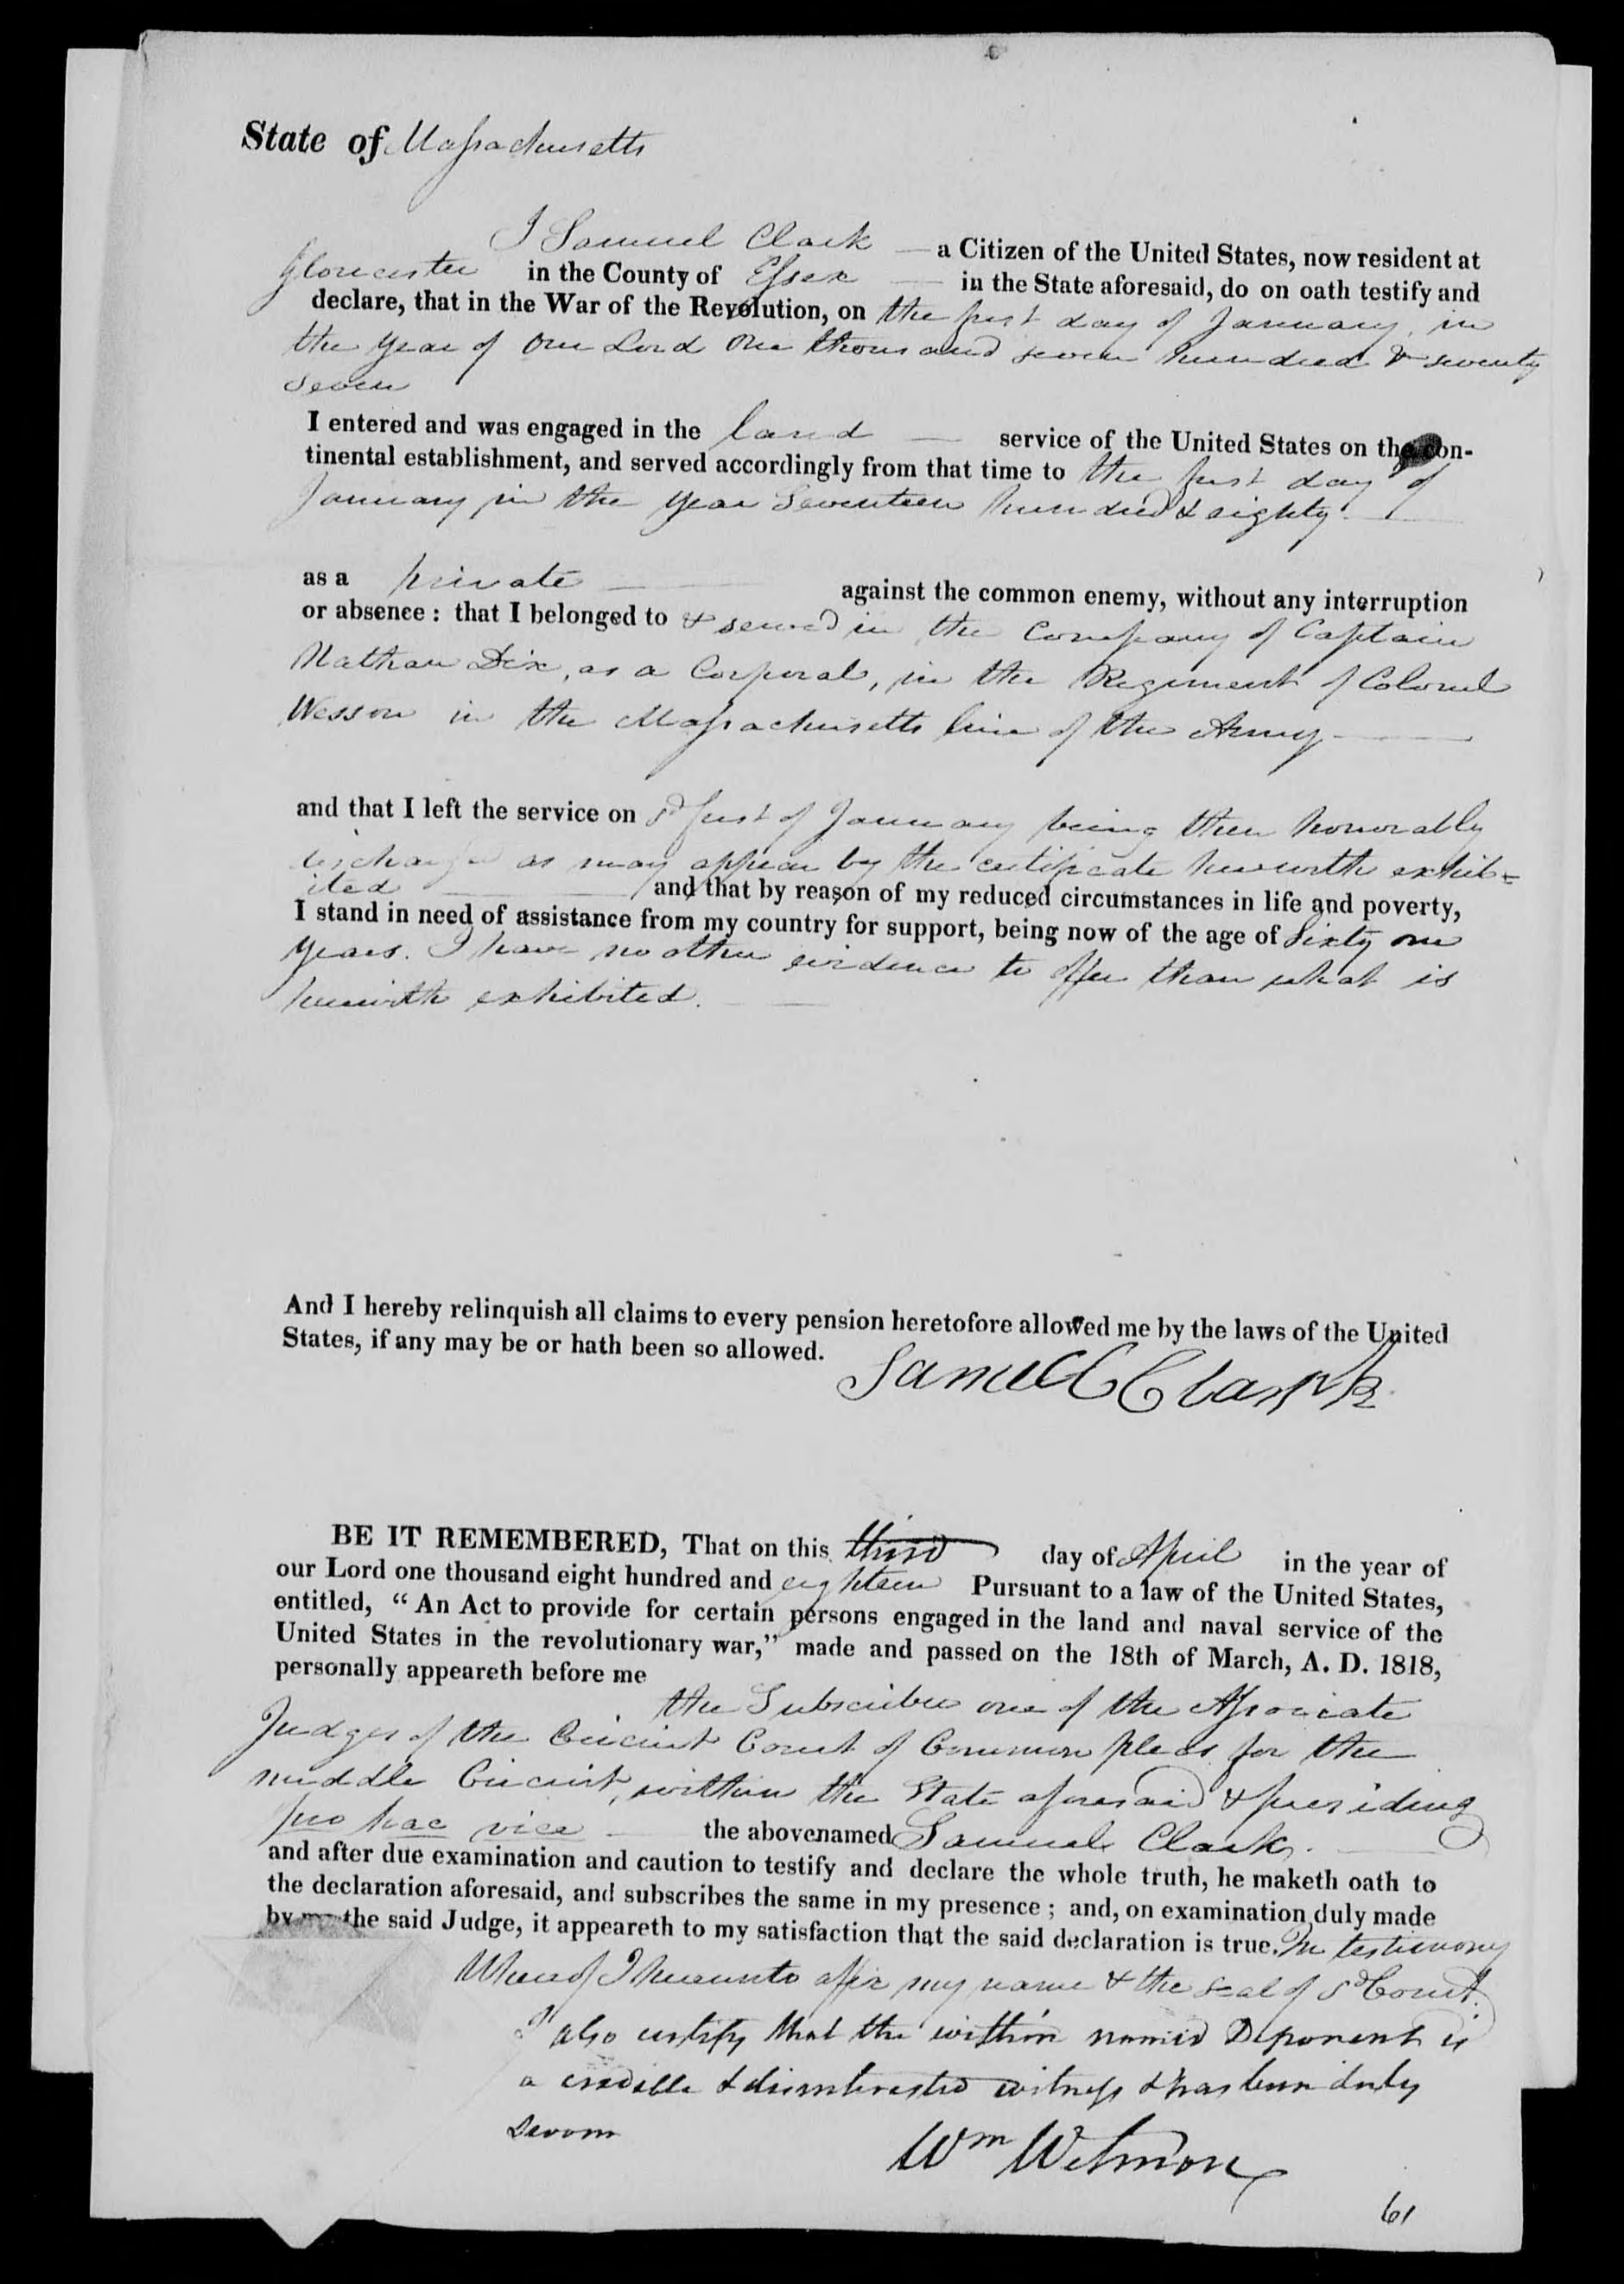State of Massachusetts
I Samuel Clark a citizen of the United States, now resident at Gloucester in the county of Essex in the state aforesaid, do on oath testify and declare, that in the War of the Revolution, on the first day of January in the year of Our Lord One thousand seven hundred & seventy seven
I entered and was engaged in the land service of the United States on the Continental establishment, and served accordingly from that time to the first day of January in the year Seventeen hundred & eighty
as a private against the common enemy, without any interruption or absence, that I belonged to & served in the Company of Captain Nathan Dix, as a Corporal, in the Regiment of Colonel Wesson in the Massachusetts line of the Army
and that I left the service on the first of January being three honorably discharged as may appear by the certificate herewith exhibited
and by that reason of my reduced circumstances is 
I stand in need of assistance from my country for support, being now of the age of sixty one years. I have no other evidence to offer than what is 
herewith exhibited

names: Wm Wetmore, Nathan Dix, Sanuel Clark, Wesson, Samuel Clark, Samuel Clark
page: 4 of 14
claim: survivor's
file: S. 34696, Samuel Clark, Continental Mass.